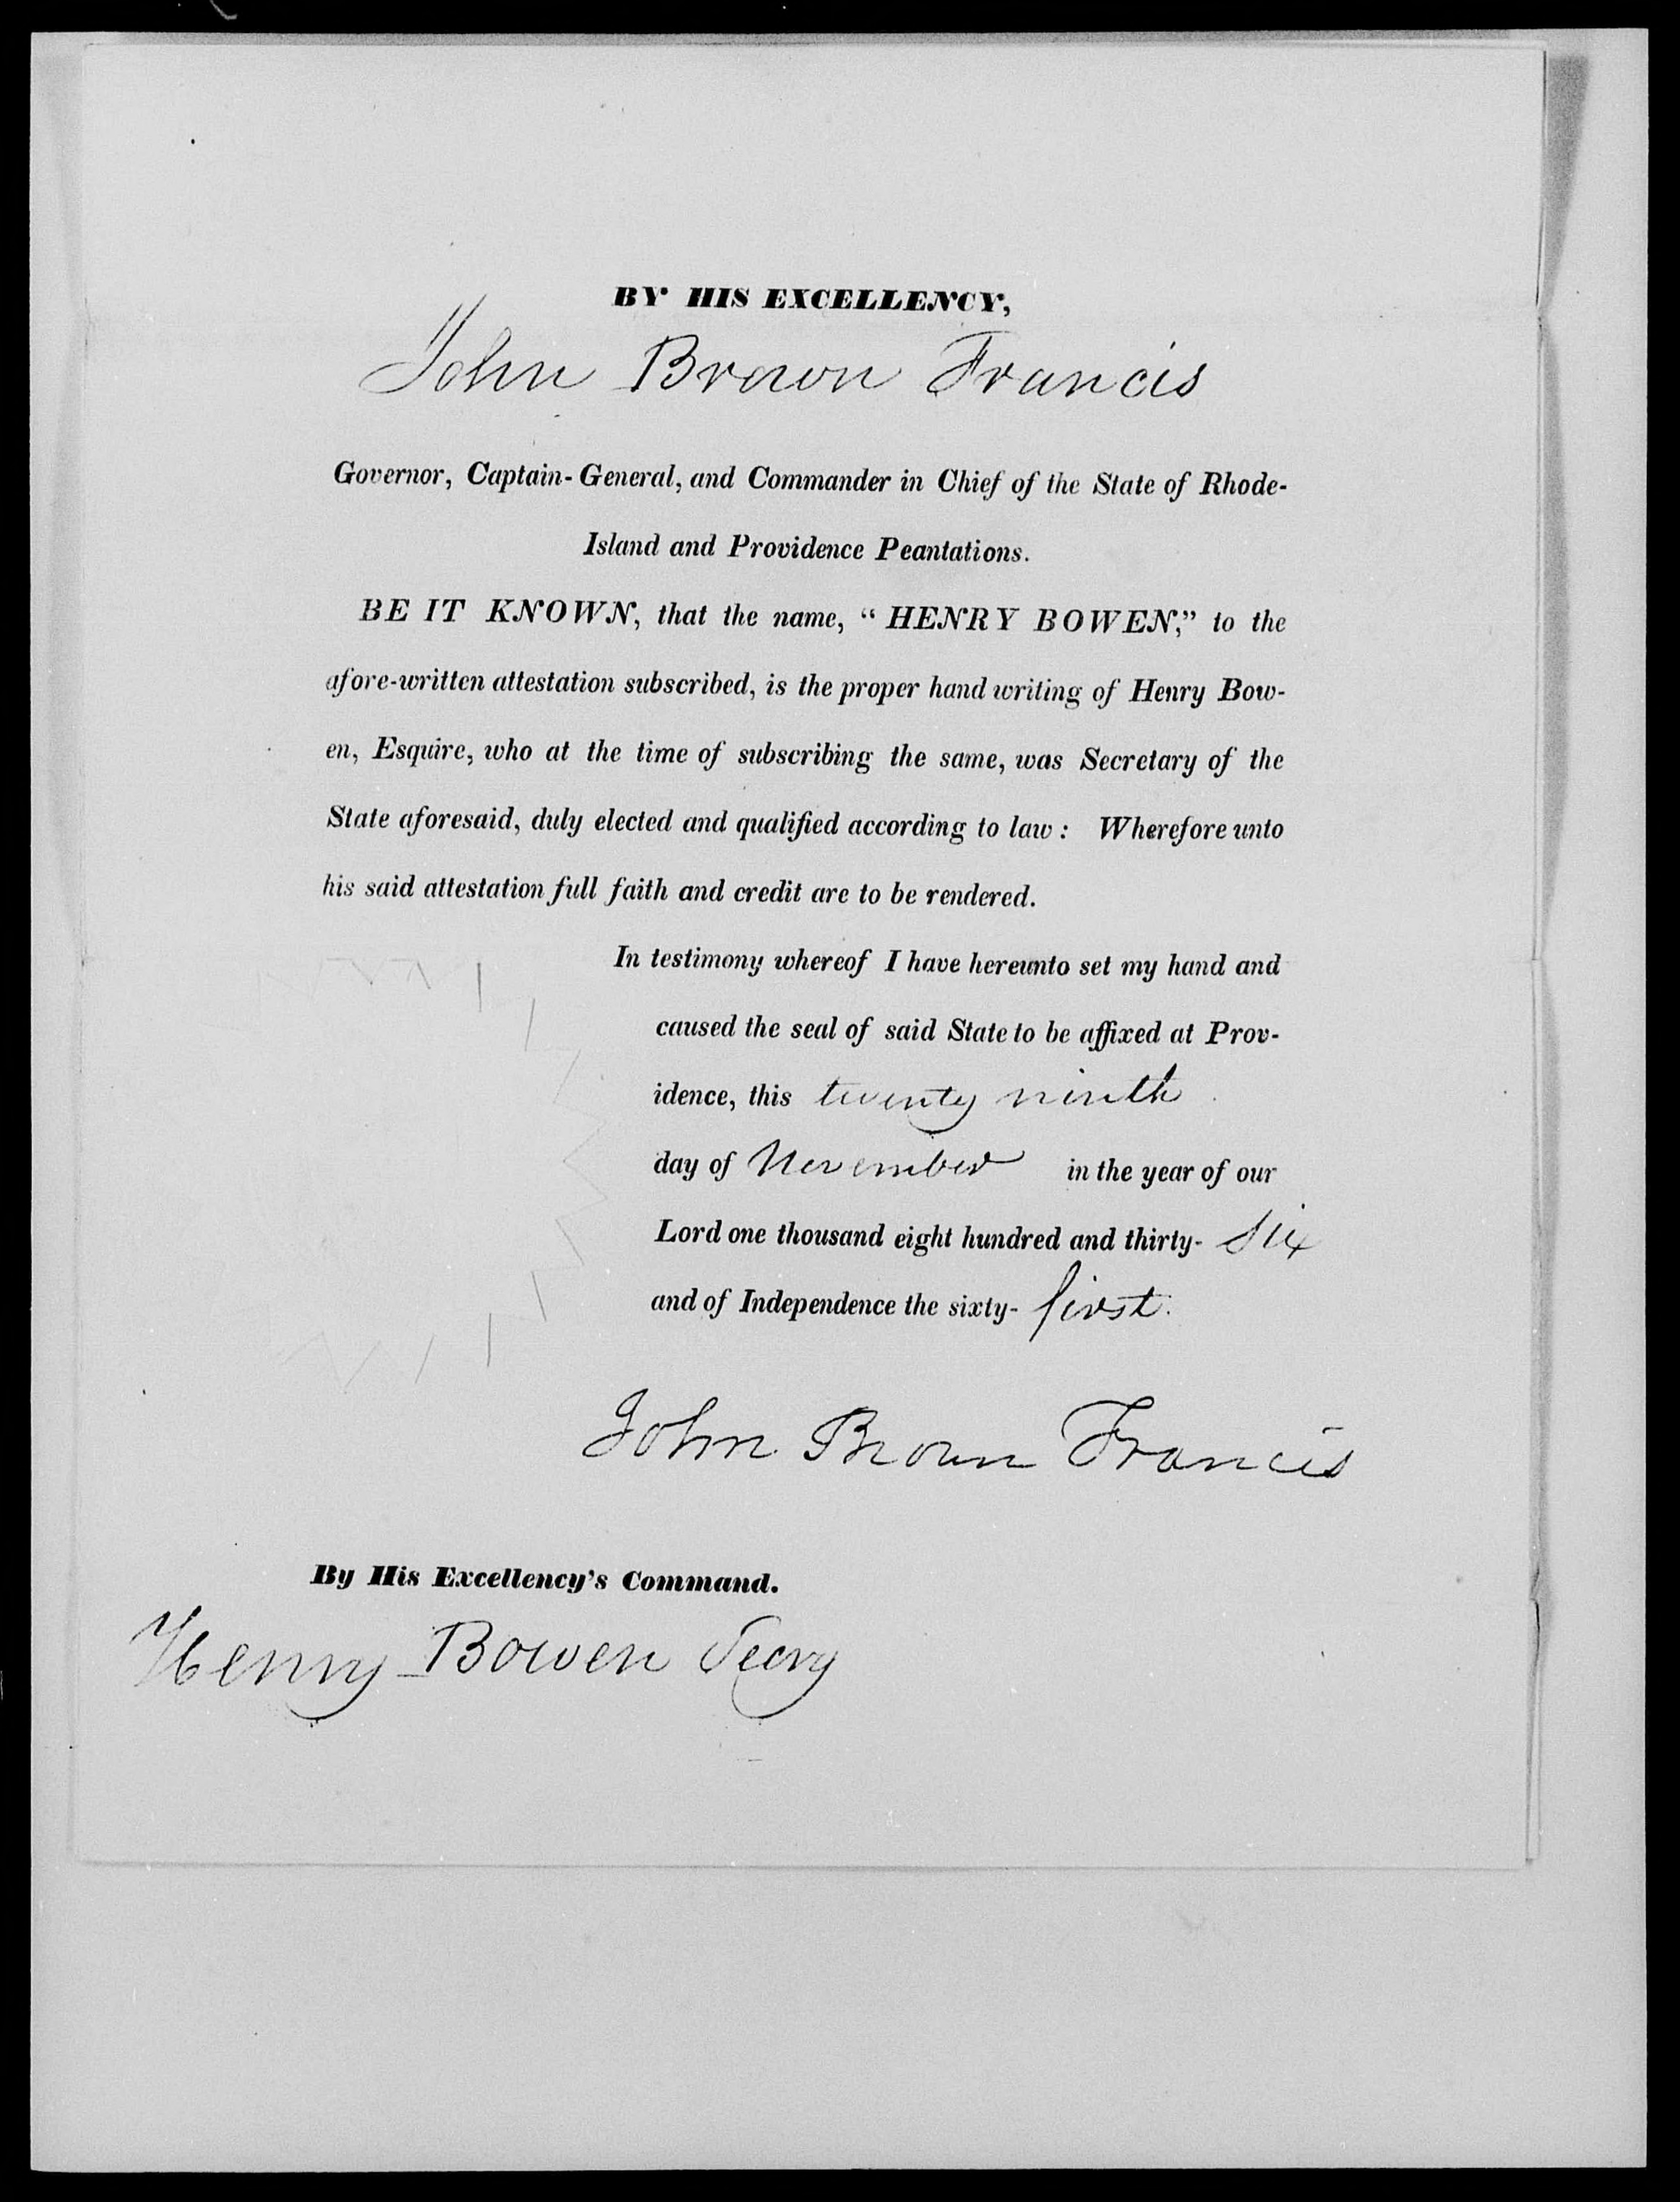BY HIS EXCELLENCY
John Brown Francis
Governor, Captain-General, and Commander in Chief of the State of Rhode Island and Providence Plantations.
BE IT KNOWN, that the name, ""HENRY BOWEN."" to the afore-written attestation subscribed, is the proper hand writing of Henry Bowen, Esquire, who at the time of subscribing the same, was Secretary of the
State aforesaid, duly elected and qualified according to law:  Wherefore unto
his said attestation full faith and credit are to be rendered.
In testimony whereof I have hereunto set my hand and caused the seal of said State to be affixed at Providence , this twenty ninth
day of November in the year of our
Lord one thousand eight hundred and thirty-six and of Independence the sixty first.
John Brown Francis
By His Excellency's Command.
Henry Bowen Secry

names: Henry Bowen; John Brown Francis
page: 29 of 40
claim: widow's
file: W. 16058, for George Potter, Rhode Island